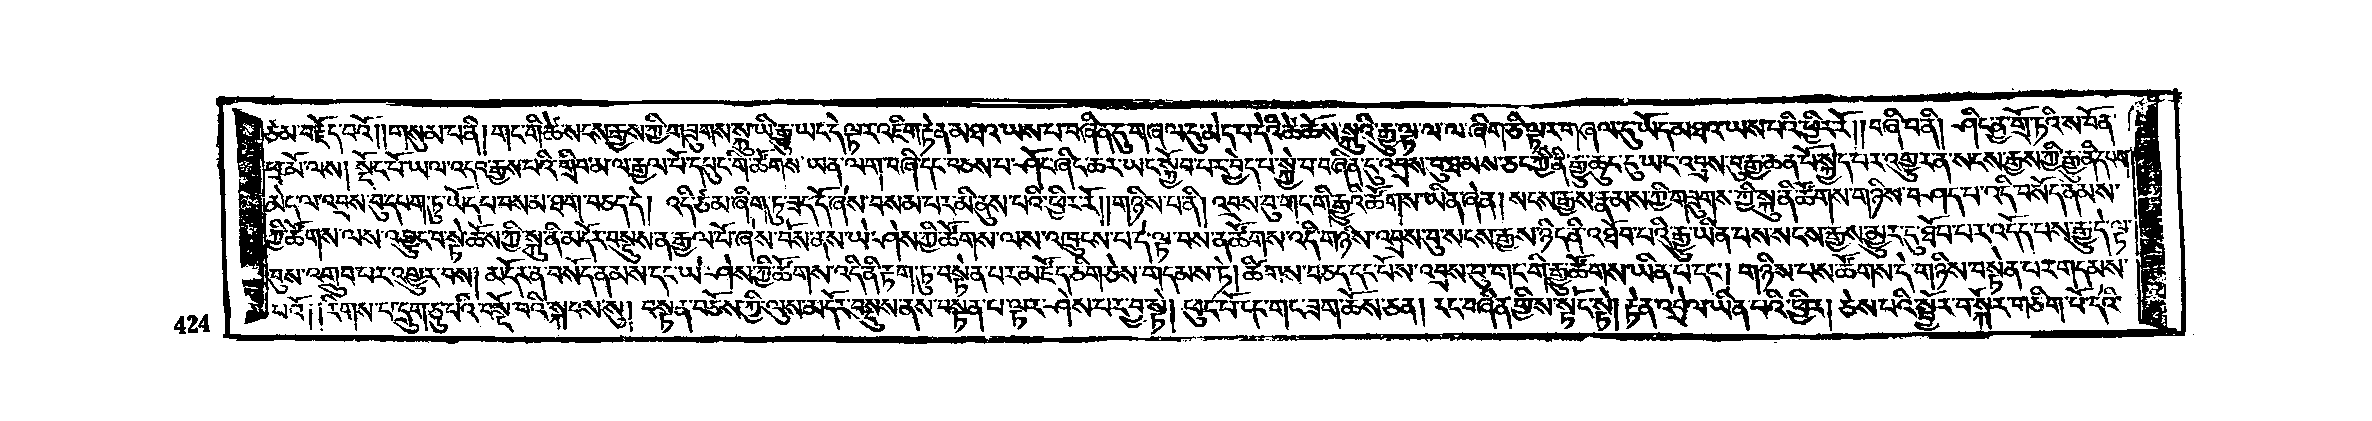ཙམ་བརྗོད་པའོ། །གསུམ་པ་ནི། གང་གི་ཚེ་སངས་རྒྱས་ཀྱི་གཟུགས་སྐུ་ཡི་རྒྱུ་ཡང་དེ་ལྟར་འཇིག་རྟེན་མཐའ་ཡས་པ་བཞིན་དུ་གཞལ་དུ་མེད་པ་དེའི་ཚེ་ཆོས་སྐུའི་རྒྱུ་ལྟ་ལ་ལ་ཞིག་ཅི་ལྟར་གཞལ་དུ་ཡོད་མཐའ་ཡས་པའི་ཕྱིར་རོ། །བཞི་པ་ནི། ཤིང་ནཡ་གྲོ་ཏའི་ས་བོན་
ཕྲ་མོ་ལས། སྡོང་པོ་ཡལ་འདབ་རྒྱས་པའི་གྲིབ་མ་ལ་རྒྱལ་པོ་དཔུང་གི་ཚོགས་ཡན་ལག་བཞི་དང་བཅས་པ་ཤོང་ཞིང་ཆར་ཡང་སྐྱོབ་པར་བྱེད་པ་སྐྱེ་བ་བཞིན་དུ་འབྲས་བུ་ཐམས་ཅད་ཀྱི་ནི་རྒྱུ་ཆུང་ངུ་ཡང་འབྲས་བུ་རྒྱ་ཆན་པོ་སྐྱེད་པར་འགྱུར་ན་སངས་རྒྱས་ཀྱི་རྒྱུ་ནི་དཔག་
མེད་ལ་འབྲས་བུ་དཔག་ཏུ་ཡོད་པ་བསམ་ཐག་བཅད་དེ། འདི་ཙམ་ཞིག་ཏུ་ཟད་དོ་ཞེས་བསམ་པར་མི་ནུས་པའི་ཕྱིར་རོ། །གཉིས་པ་ནི། འབྲས་བུ་གང་གི་རྒྱུའི་ཚོགས་ཡིན་ཞེ་ན། སངས་རྒྱས་རྣམས་ཀྱི་གཟུགས་ཀྱི་སྐུ་ནི་ཚོགས་གཉིས་བཤད་པ་འདི་བསོད་ནམས་
ཀྱི་ཚོགས་ལས་འབྱུང་བ་སྟེ་ཆོས་ཀྱི་སྐུ་ནི་མདོར་བསྡུས་ན་རྒྱལ་པོ་ཞེས་བོས་ནས་ཡེ་ཤེས་ཀྱི་ཚོགས་ལས་འཁྲུངས་པ་དེ་ལྟ་བས་ན་ཚོགས་འདི་གཉིས་འབྲས་བུ་སངས་རྒྱས་ཉིད་ནི་འཐོབ་པའི་རྒྱུ་ཡིན་པས་སངས་རྒྱས་མྱུར་དུ་ཐོབ་པར་འདོད་པས་རྒྱུ་དེ་ལྟ་
བུས་འགྲུབ་པར་འགྱུར་བས། མདོར་ན་བསོད་ནམས་དང་ཡེ་ཤེས་ཀྱི་ཚོགས་འདི་ནི་རྟག་ཏུ་བསྟེན་པར་མཛོད་ཅིག་ཅེས་གདམས་ཏེ། ཚིགས་བཅད་དང་པོས་འབྲས་བུ་གང་གི་རྒྱུ་ཚོགས་ཡིན་པ་དང་། གཉིས་པས་ཚོགས་དེ་གཉིས་བསྟེན་པར་གདམས་
པའོ༑ ༑རིགས་པ་དྲུག་ཅུ་པའི་བསྔོ་བའི་སྐབས་སུ། བསྟན་བཅོས་ཀྱི་ལུས་མདོར་བསྡུས་ནས་བསྟན་པ་ལྟར་ཤེས་པར་བྱ་སྟེ། ཕུང་པོ་དང་གང་ཟག་ཆོས་ཅན། རང་བཞིན་གྱིས་སྟོང་སྟེ། རྟེན་འབྲེལ་ཡིན་པའི་ཕྱིར། ཅེས་པའི་སྦྱོར་བ་སྐོར་གཅིག་པོ་དེའི་